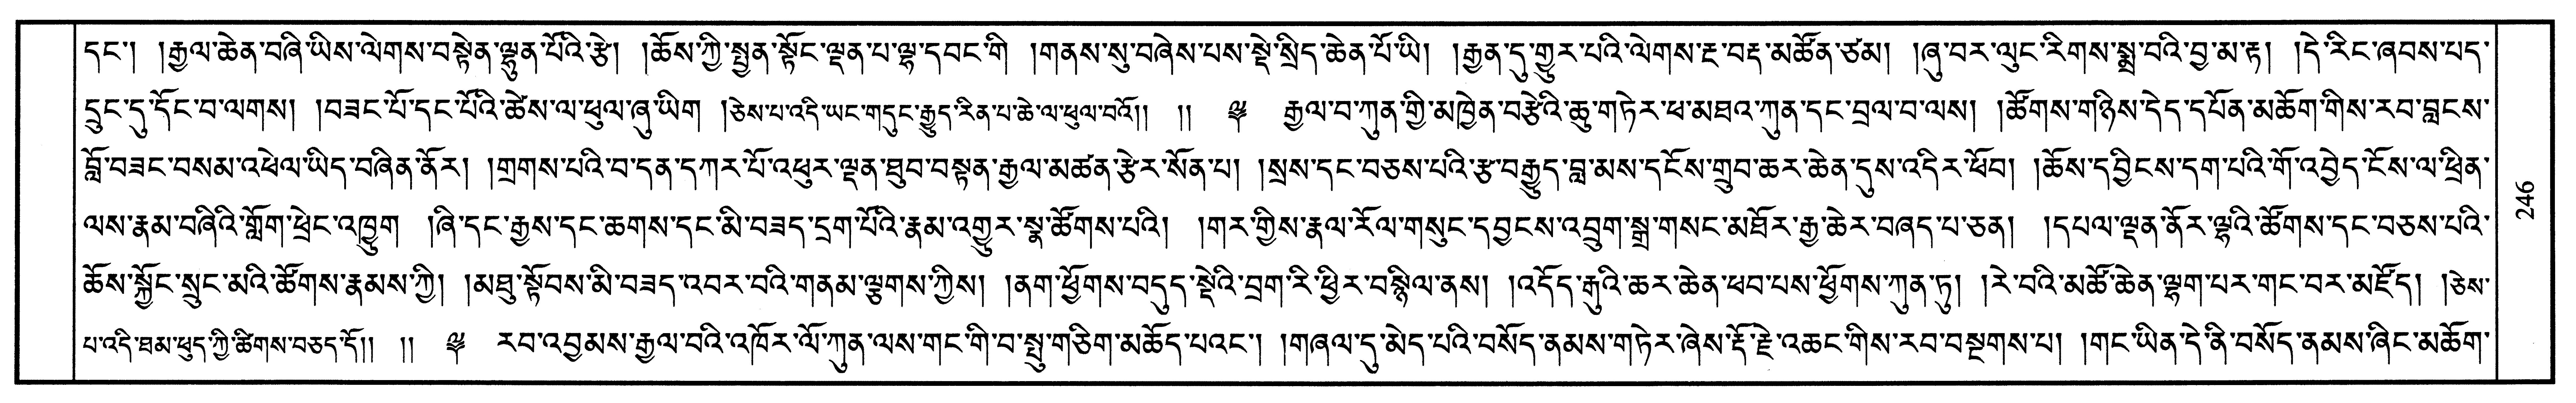དང་། །རྒྱལ་ཆེན་བཞི་ཡིས་ལེགས་བསྟེན་ལྷུན་པོའི་རྩེ། །ཆོས་ཀྱི་སྤྱན་སྟོང་ལྡན་པ་ལྷ་དབང་གི །གནས་སུ་བཞེས་པས་སྡེ་སྲིད་ཆེན་པོ་ཡི། །རྒྱན་དུ་གྱུར་པའི་ལེགས་རྔ་བརྡ་མཚོན་ཙམ། །ཞུ་བར་ལུང་རིགས་སྨྲ་བའི་བྱ་མ་རྟ། །དེ་རིང་ཞབས་པད་
དྲུང་དུ་དོང་བ་ལགས། །བཟང་པོ་དང་པོའི་ཚེས་ལ་ཕུལ་ཞུ་ཡིག །ཅེས་པ་འདི་ཡང་གདུང་རྒྱུད་རིན་པ་ཆེ་ལ་ཕུལ་བའོ།། །། ༈ རྒྱལ་བ་ཀུན་གྱི་མཁྱེན་བརྩེའི་ཆུ་གཏེར་ཕ་མཐའ་ཀུན་དང་བྲལ་བ་ལས། །ཚོགས་གཉིས་དེད་དཔོན་མཆོག་གིས་རབ་བླངས་
བློ་བཟང་བསམ་འཕེལ་ཡིད་བཞིན་ནོར། །གྲགས་པའི་བ་དན་དཀར་པོ་འཕུར་ལྡན་ཐུབ་བསྟན་རྒྱལ་མཚན་རྩེར་སོན་པ། །སྲས་དང་བཅས་པའི་རྩ་བརྒྱུད་བླ་མས་དངོས་གྲུབ་ཆར་ཆེན་དུས་འདིར་ཕོབ། །ཆོས་དབྱིངས་དག་པའི་གོ་འབྱེད་ངོས་ལ་ཕྲིན་
ལས་རྣམ་བཞིའི་གློག་ཕྲེང་འཁྱུག །ཞི་དང་རྒྱས་དང་ཆགས་དང་མི་བཟད་དྲག་པོའི་རྣམ་འགྱུར་སྣ་ཚོགས་པའི། །གར་གྱིས་རྣལ་རོལ་གསུང་དབྱངས་འབྲུག་སྒྲ་གསང་མཐོར་རྒྱ་ཆེར་བཞད་པ་ཅན། །དཔལ་ལྡན་ནོར་ལྷའི་ཚོགས་དང་བཅས་པའི་
ཆོས་སྐྱོང་སྲུང་མའི་ཚོགས་རྣམས་ཀྱི། །མཐུ་སྟོབས་མི་བཟད་འབར་བའི་གནམ་ལྕགས་ཀྱིས། །ནག་ཕྱོགས་བདུད་སྡེའི་བྲག་རི་ཕྱིར་བསྙིལ་ནས། །འདོད་རྒུའི་ཆར་ཆེན་ཕབ་པས་ཕྱོགས་ཀུན་ཏུ། །རེ་བའི་མཚོ་ཆེན་ལྷག་པར་གང་བར་མཛོད། །ཅེས་
པ་འདི་ཐམ་ཕུད་ཀྱི་ཚིགས་བཅད་དོ།། །། ༈ རབ་འབྱམས་རྒྱལ་བའི་འཁོར་ལོ་ཀུན་ལས་གང་གི་བ་སྤུ་གཅིག་མཆོད་པའང་། །གཞལ་དུ་མེད་པའི་བསོད་ནམས་གཏེར་ཞེས་རྡོ་རྗེ་འཆང་གིས་རབ་བསྔགས་པ། །གང་ཡིན་དེ་ནི་བསོད་ནམས་ཞིང་མཆོག་